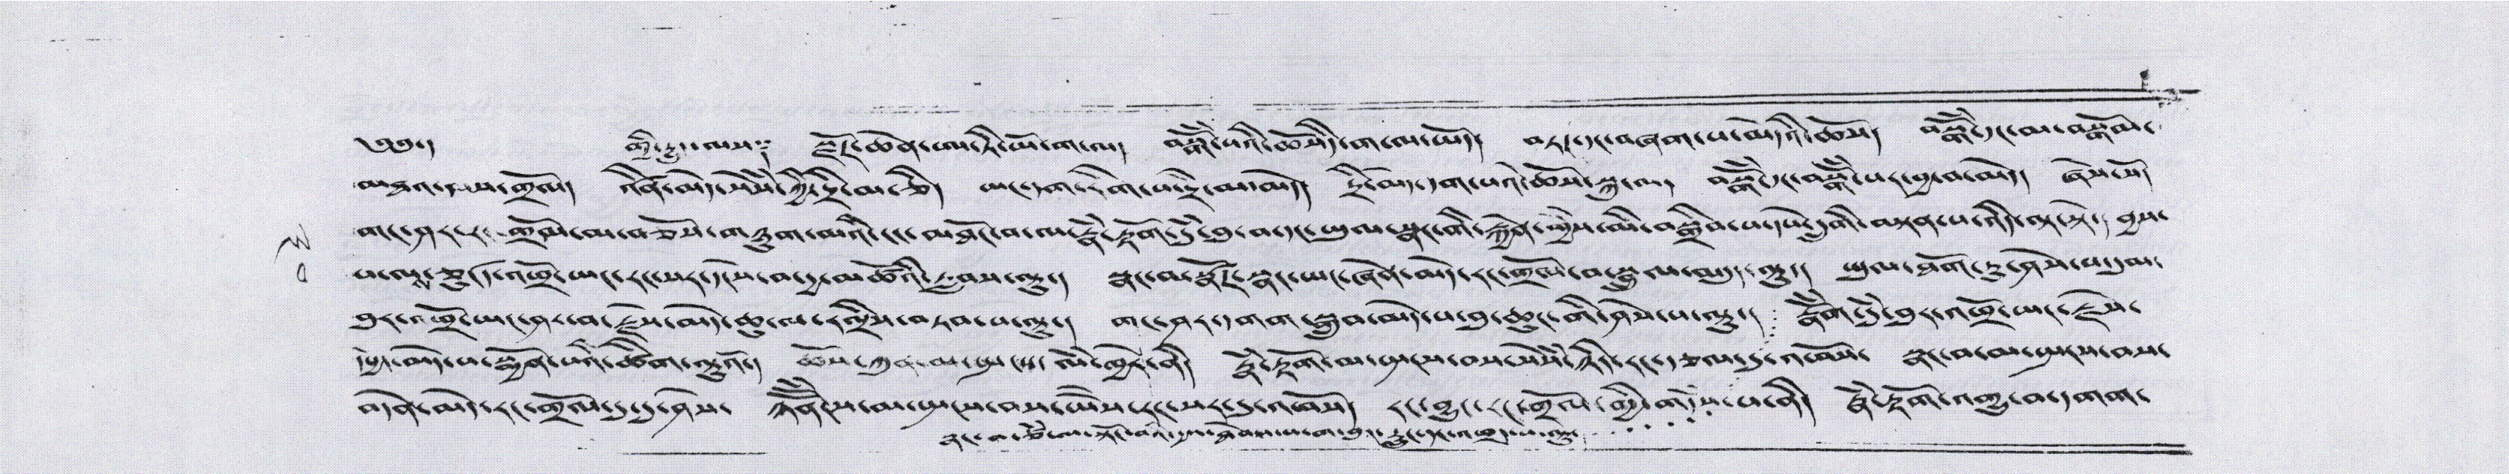གྱི་རྒྱུད་ལས། རྫོགས་ཆེན་ཨ་ཏི་ཡོ་ག་ལ། བསྒོམ་པའི་ཆོས་ཉིད་ག་ལ་ཡོད། བཏང་དང་བཞག་པ་མེད་པའི་ཆོས། བསྒོམ་དང་མ་བསྒོམ་
མཐའ་ལས་གྲོལ། འཛིན་མེད་སེམས་ཀྱི་དྲི་མ་ཅི། ཡང་དག་རིག་པ་དྲི་མ་མེད། དྲི་མེད་དག་པའི་ཆོས་སྐུ་ལ། བསྒོམ་དང་བསྒོམ་པར་བྱ་བ་མེད། ཞེས་སོ། 
གང་ཤར་རང་གྲོལ་མ་བཅོས་གཉུག་མའི་ངང་མཐོང་བ་ལ་རྣམ་རྟོག་དུམ་བུ་བ་དང་ཡུལ་སྣང་གི་རྐྱེན་གྱིས་མི་བསྒྲིབས་པ་དཔེ་དྲུག་གིས་བསྟན་པ་འདི་ལྟ་སྟེ། གནས་
པ་ལས་ཅུང་ཟད་འཕྲོ་ཡང་རང་སར་དེངས་པ་རྒྱ་མཚོའི་རླབས་ལྟ་བུ། སྣང་བ་སྣ་ཚོགས་སྣང་ཡང་ཞེན་མེད་རང་གྲོལ་བ་སྦྲུལ་མདུད་ལྟ་བུ། ཡུལ་ཐོག་ཏུ་ཤེས་པ་དུམ་
བུར་འཕྲོ་ཡང་ཤར་བ་རྗེན་མེད་ཆུ་ལ་རལ་གྲིས་བཏབ་པ་ལྟ་བུ། གང་ཤར་དགག་སྒྲུབ་མེད་པ་བུ་ཆུང་གི་ཤེས་པ་ལྟ་བུ། རྣམ་རྟོག་དུམ་བུར་འཕྲོ་ཡང་རྗེས་
དཔྱོད་མེད་པ་སྨྱོན་པའི་ཚིག་ལྟ་བུའོ། །ཆོས་ཀུན་མ་སྤང་ལམ་ཁྱེར་ནི། རྣམ་རྟོག་མ་སྤངས་པས་སེམས་ཉིད་རང་རྩལ་དུ་འཕོས། སྣང་བ་མ་སྤང་བས་
བདེན་མེད་རང་གྲོལ་དུ་ཤེས། ཉོན་མོངས་མ་སྤང་བས་ཡེ་ཤེས་རང་སར་དུ་འཕོས། རང་བྱུང་རང་གྲོལ་གྱི་གདམས་པ་ནི། རྣམ་རྟོག་འགྱུ་བ་དགག་
 སྣང་བ་ཙམ་ལ་སྟོང་པའི་རྒྱས་ཐེབས་པ་ག་པུར་རླུང་དང་འཕྲད་པ་ལྟ་བུ།